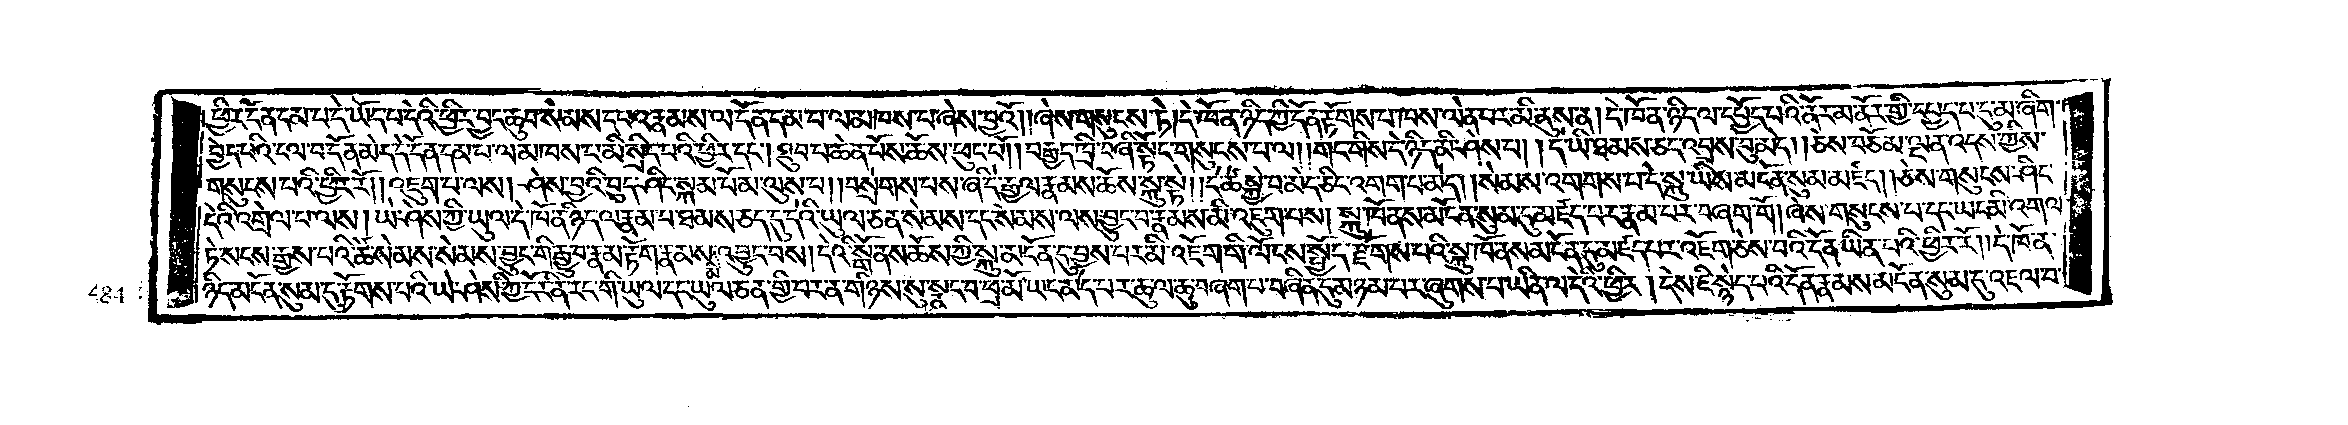ཕྱིར་དོན་དམ་པ་དེ་ཡོད་པ་དེའི་ཕྱིར་བྱང་ཆུབ་སེམས་དཔའ་རྣམས་ལ་དོན་དམ་པ་ལ་མཁས་པ་ཞེས་བྱའོ། །ཞེས་གསུངས་ཏེ། དེ་ཁོ་ན་ཉིད་ཀྱི་དོན་རྟོགས་པ་ཁས་ལེན་པར་མི་ནུས་ན། དེ་ཁོ་ན་ཉིད་ལ་དཔྱོད་པའི་ནོར་མ་ནོར་གྱི་དཔྱད་པ་དུ་མ་ཞིག་
བྱེད་པའི་ངལ་བ་དོན་མེད་དེ་དོན་དམ་པ་ལ་མཁས་པ་མི་སྲིད་པའི་ཕྱིར་དང་། ཐུབ་པ་ཆེན་པོས་ཆོས་ཕུང་པོ། །བརྒྱད་ཁྲི་བཞི་སྟོང་གསུངས་པ་ལ། །གང་གིས་དེ་ཉིད་མི་ཤེས་པ། །དེ་ཡི་ཐམས་ཅད་འབྲས་བུ་མེད། །ཅེས་བཅོམ་ལྡན་འདས་ཀྱིས་
གསུངས་པའི་ཕྱིར་རོ། །འཇུག་པ་ལས། ཤེས་བྱའི་བུད་ཤིང་སྐམ་པོ་མ་ལུས་པ། །བསྲེགས་པས་ཞི་དེ་རྒྱལ་རྣམས་ཆོས་སྐུ་སྟེ། །དེ་ཚེ་སྐྱེ་བ་མེད་ཅིང་འགག་པ་མེད། །སེམས་འགགས་པ་དེ་སྐུ་ཡིས་མངོན་སུམ་མཛད། །ཅེས་གསུངས་ཤིང་
དེའི་འགྲེལ་པ་ལས། ཡེ་ཤེས་ཀྱི་ཡུལ་དེ་ཁོ་ན་ཉིད་ལ་རྣམ་པ་ཐམས་ཅད་དུ་དེའི་ཡུལ་ཅན་སེམས་དང་སེམས་ལས་བྱུང་བ་རྣམས་མི་འཇུག་པས། སྐུ་ཁོ་ནས་མངོན་སུམ་དུ་མཛད་པར་རྣམ་པར་བཞག་གོ། ཞེས་གསུངས་པ་དང་ཡང་མི་འགལ་
ཏེ་སངས་རྒྱས་པའི་ཚེ་སེམས་སེམས་བྱུང་གི་རྒྱུ་བ་རྣམ་རྟོག་རྣམས་མི་འབྱུང་བས། དེའི་སྒོ་ནས་ཆོས་ཀྱི་སྐུ་མངོན་དུ་བྱས་པར་མི་འཇོག་གི་ལོངས་སྤྱོད་རྫོགས་པའི་སྐུ་ཁོ་ནས་མངོན་དུ་མཛད་པར་འཇོག་ཅེས་པའི་དོན་ཡིན་པའི་ཕྱིར་རོ། །དེ་ཁོ་ན་
ཉིད་མངོན་སུམ་དུ་རྟོགས་པའི་ཡེ་ཤེས་ཀྱི་དོར་ནི་རང་གི་ཡུལ་དང་ཡུལ་ཅན་གྱི་བར་ན་གཉིས་སུ་སྣང་བ་ཕྲ་མོ་ཡང་མེད་པར་ཆུ་ལ་ཆུ་བཞག་པ་བཞིན་དུ་མཉམ་པར་ཞུགས་པ་ཡིན་ལ་དེའི་ཕྱིར། དེས་ཇི་སྙེད་པའི་དོན་རྣམས་མངོན་སུམ་དུ་འཇལ་བ་